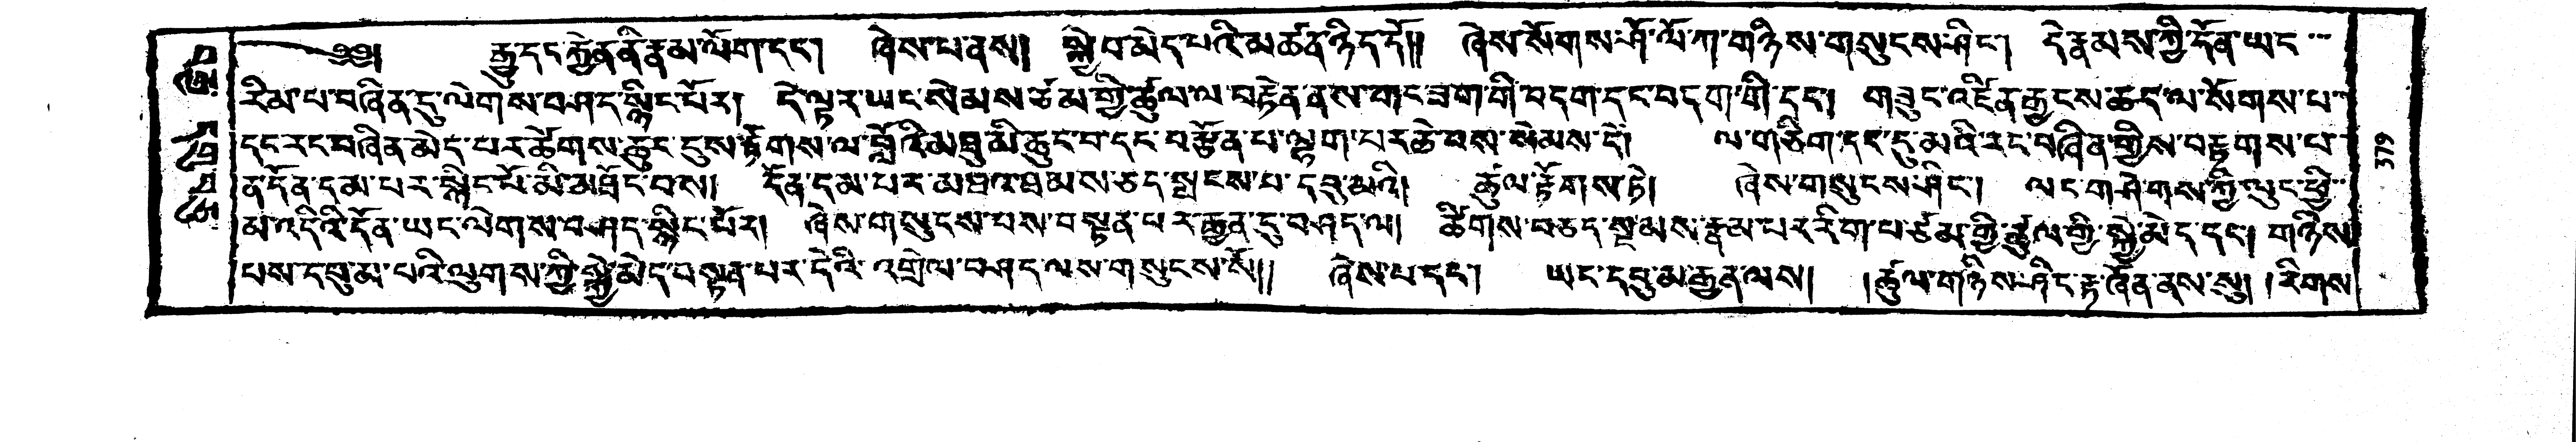༄༅། །རྒྱུ་དང་རྐྱེན་ནི་རྣམ་ལོག་དང་། ཞེས་པ་ནས། སྐྱེ་བ་མེད་པའི་མཚན་ཉིད་དོ། །ཞེས་སོགས་ཤོ་ལོ་ཀ་གཉིས་གསུངས་ཤིང་། དེ་རྣམས་ཀྱི་དོན་ཡང་
རིམ་པ་བཞིན་དུ་ལེགས་བཤད་སྙིང་པོར། དེ་ལྟར་ཡང་སེམས་ཙམ་གྱི་ཚུལ་ལ་བརྟེན་ནས་གང་ཟག་གི་བདག་དང་བདག་གི་དང་། གཟུང་འཛིན་རྒྱངས་ཆད་ལ་སོགས་པ་
དང་རང་བཞིན་མེད་པར་ཚེགས་ཆུང་ངུས་རྟོགས་ལ་བློའི་མཐུ་མི་ཆུང་བ་དང་བརྩོན་པ་ལྷག་པར་ཆེ་བས་སེམས་དེ། ལ་གཅིག་དང་དུ་མའི་རང་བཞིན་གྱིས་བརྟགས་པ་
ན་དོན་དམ་པར་སྙིང་པོ་མི་མཐོང་བས། དོན་དམ་པར་མཐའ་ཐམས་ཅད་སྤངས་པ་དབུ་མའི། ཚུལ་རྟོགས་ཏེ། ཞེས་གསུངས་ཤིང་། ལང་གཤེགས་ཀྱི་ལུང་ཕྱི་
མ་འདིའི་དོན་ཡང་ལེགས་བཤད་སྙིང་པོར། ཞེས་གསུངས་པས་བསྟན་པར་རྒྱན་དུ་བཤད་ལ། ཚིགས་བཅད་སྔ་མས་རྣམ་པར་རིག་པ་ཙམ་གྱི་ཚུལ་གྱི་སྐྱེ་མེད་དང་། གཉིས་
པས་དབུ་མ་པའི་ལུགས་ཀྱི་སྐྱེ་མེད་བསྟན་པར་དེའི་འགྲེལ་བཤད་ལས་གསུངས་སོ། །ཞེས་པ་དང་། ཡང་དབུ་མ་རྒྱན་ལས། །ཚུལ་གཉིས་ཤིང་རྟ་ཞོན་ནས་སུ། །རིགས་